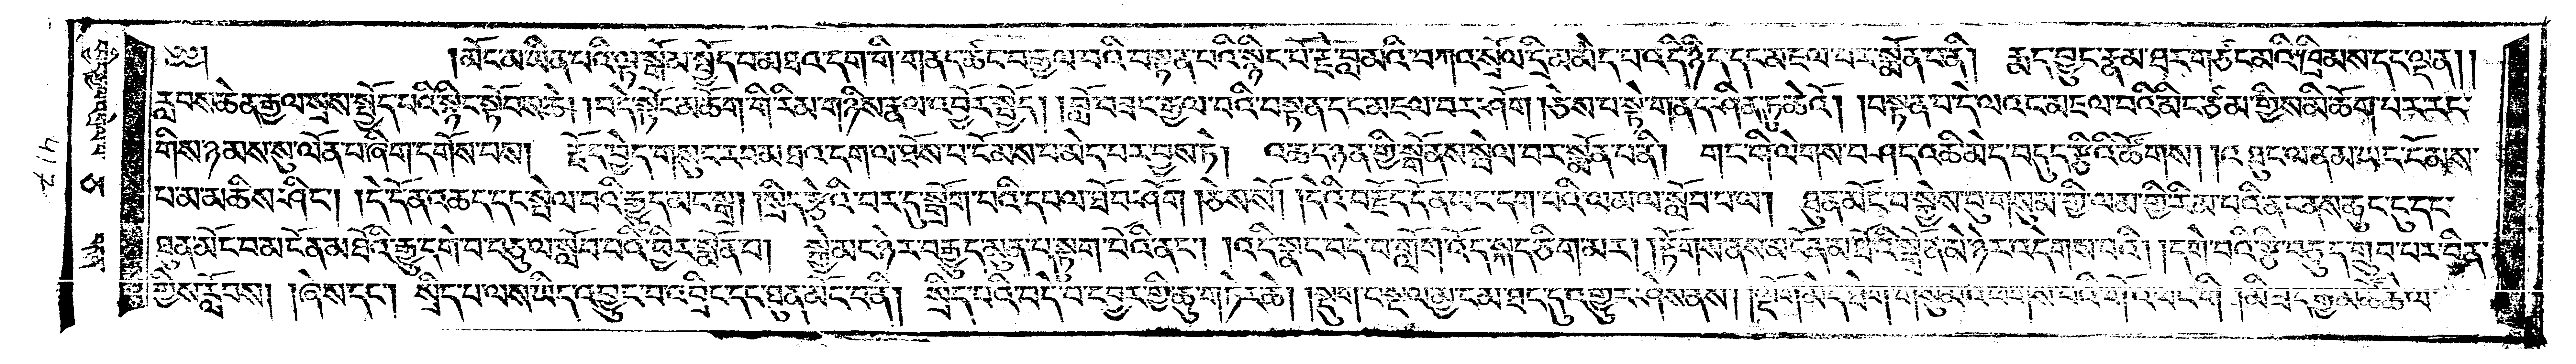༄༅། །མོང་མ་ཡིན་པའི་ལྟ་སྒོམ་སྤྱོད་བ་མཐའ་དག་གི་གནད་ཚང་བ་རྒྱལ་བའི་བསྟན་པའི་སྙིང་པོ་རྗེ་བླ་མའི་བཀའ་སྲོལ་དྲི་མ་མེད་པ་འདི་ཉིད་དང་མཇལ་བར་སྨོན་བ་ནི། རྨད་བྱུང་རྣམ་ཐར་གཙང་མའི་ཁྲིམས་དང་ལྡན།།
རླབས་ཆེན་རྒྱལ་སྲས་སྤྱོད་པའི་སྙིང་སྟོབས་ཆེ། །བདེ་སྟོང་མཆོག་གི་རིམ་གཉིས་རྣལ་འབྱོར་སྤྱོད། །བློ་བཟང་རྒྱལ་བའི་བསྟན་དང་མཇལ་བར་ཤོག །ཅེས་པ་སྟེ་གནད་ཤིན་ཏུ་ཆེའོ། །བསྟན་བདེ་ལའང་མཇལ་བའི་མིང་ཙམ་གྱིས་མི་ཆོག་པར་རང་
གིས་ཉམས་སུ་ལོན་བ་ཞིག་དགོས་བས། རྗོད་བྱེད་གསུང་རབ་མཐའ་དག་ལ་ཐོས་པ་ངོམས་བ་མེད་པར་བྱས་ཏེ། འཆད་ཉན་གྱི་སྒོ་ནས་སྤེལ་བར་སྨོན་པ་ནི། གང་གི་ལེགས་བཤད་འཆི་མེད་བདུད་རྩིའི་ཚོགས། །འཐུང་ལ་ནམ་ཡང་ངོམས་
པ་མ་མཆིས་ཤིང་། །དེ་དོན་འཆད་དང་སྦེལ་བའི་རྒྱུད་མང་སྒྲ། །སྲིད་རྩེའི་བར་དུ་སྒྲོག་པའི་དཔལ་ཐོབ་ཤོག །ཅེས་སོ། །དེའི་བརྗོད་དོན་ཡང་དག་པའི་ལམ་ལ་སློབ་པ་ལ། ཐུན་མོང་བ་སྐྱེས་བུ་གསུམ་གྱི་ལམ་གྱི་རིམ་པའི་ནང་ནས་ཆུང་དུ་དང་
ཐུན་མོང་བ་མངོན་མཐོའི་རྒྱུ་དགེ་བ་བཅུལ་སློབ་པའི་ཕྱིར་སྨོན་པ། སྐྱེ་མང་ཉེར་བརྒྱུད་མུན་པ་སྟུག་པོའི་ནང་། །འདི་སྣང་བདེ་བ་གློག་འོད་སྐད་ཅིག་མར། །རྟོགས་ནས་མངོན་མཐོའི་སྒྲོན་མེ་ཉེར་འདེགས་པའི། །དགེ་བའི་རྩི་བཅུད་གྲུབ་པར་བྱིན་
གྱིས་རློབས། །ཞེས་དང་། སྲིད་པ་ལས་ཡིད་འབྱུང་བ་འབྲིང་དང་ཐུན་མོང་བཞི། སྲིད་པའི་བདེ་བ་དབྱར་གྱི་ཆུ་གཏེར་ཆེ། །སྡུག་བསྔལ་མྱ་ངམ་ཐང་དུ་འགྱུར་ཤེས་ནས། །ལྡོག་མེད་ཐེག་གསུམ་འཕགས་པའི་གོ་འཕང་གི །མི་ཟད་རྒྱ་མཚེ་ཆེ་ལ་